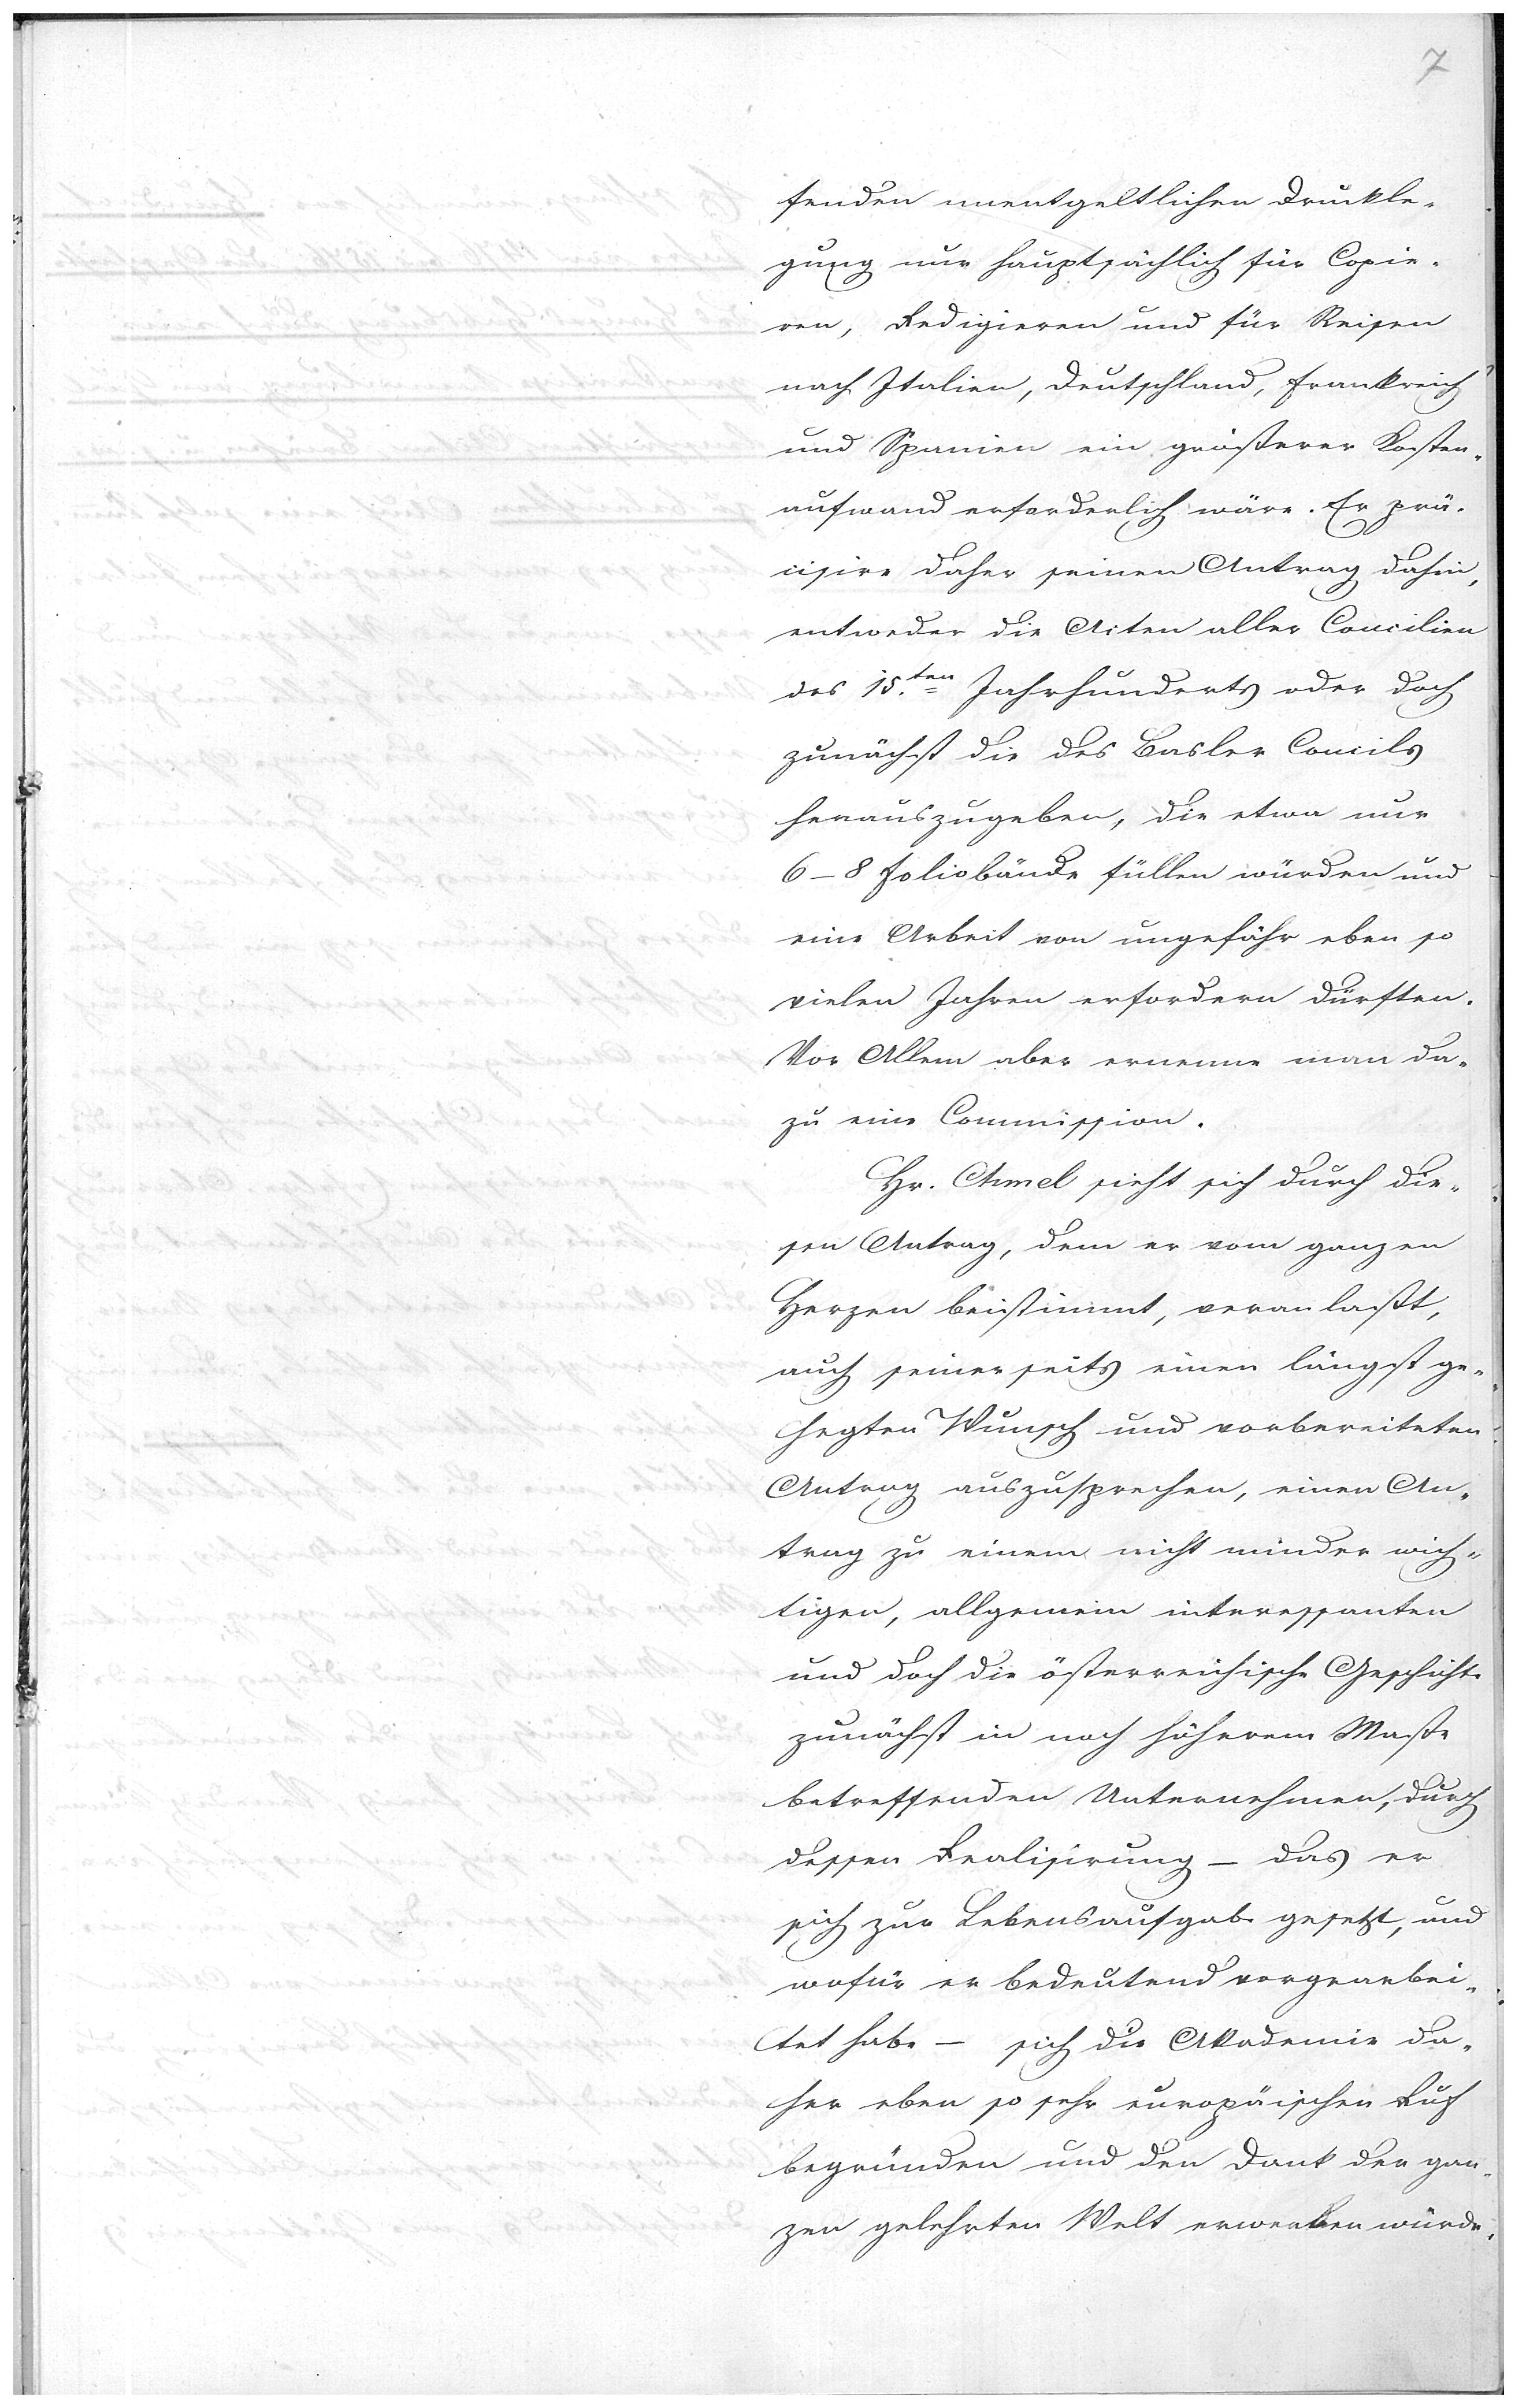fenden unentgeltlichen Druckle-
gung nur hauptsächlich für Copie-
ren, Redigieren und für Reisen
nach Italien, Deutschland, Frankreich
und Spanien ein größerer Kosten-
aufwand erforderlich wäre. Er prä-
cisire daher seinen Antrag dahin,
entweder die Acten aller Concilien
des 15ten Jahrhunderts oder doch
zunächst die des Basler Concils
herauszugeben, die etwa nur
6-8 Foliobände füllen würden und
eine Arbeit von ungefähr eben so
viele Jahren erfordern dürften.
Von Allem aber ernenne man da-
zu eine Commission.
Hr. Chmel sich sich durch die-
sen Antrag, dem er vom ganzen
Herzen beistimmt, veranlaßt,
auch seinerseits einen längst ge-
hegten Wunsch und vorbereiteten
Antrag auszusprechen, einen An-
trag zu einem nicht minder wich-
tigen, allgemein interessanten
und doch die österreichische Geschichte
zunächst in noch höheren Maße
betreffenden Unternehmen, durch
dessen Realisirung - das er
sich zur Lebensaufgabe gesetzt, und
wofür er bedeutend vorgearbei-
tet habe - sich die Akademie da-
her eben so sehr europäischen Ruf
begründen und den Dank der gan-
zen gelehrten Welt erwerben würde.